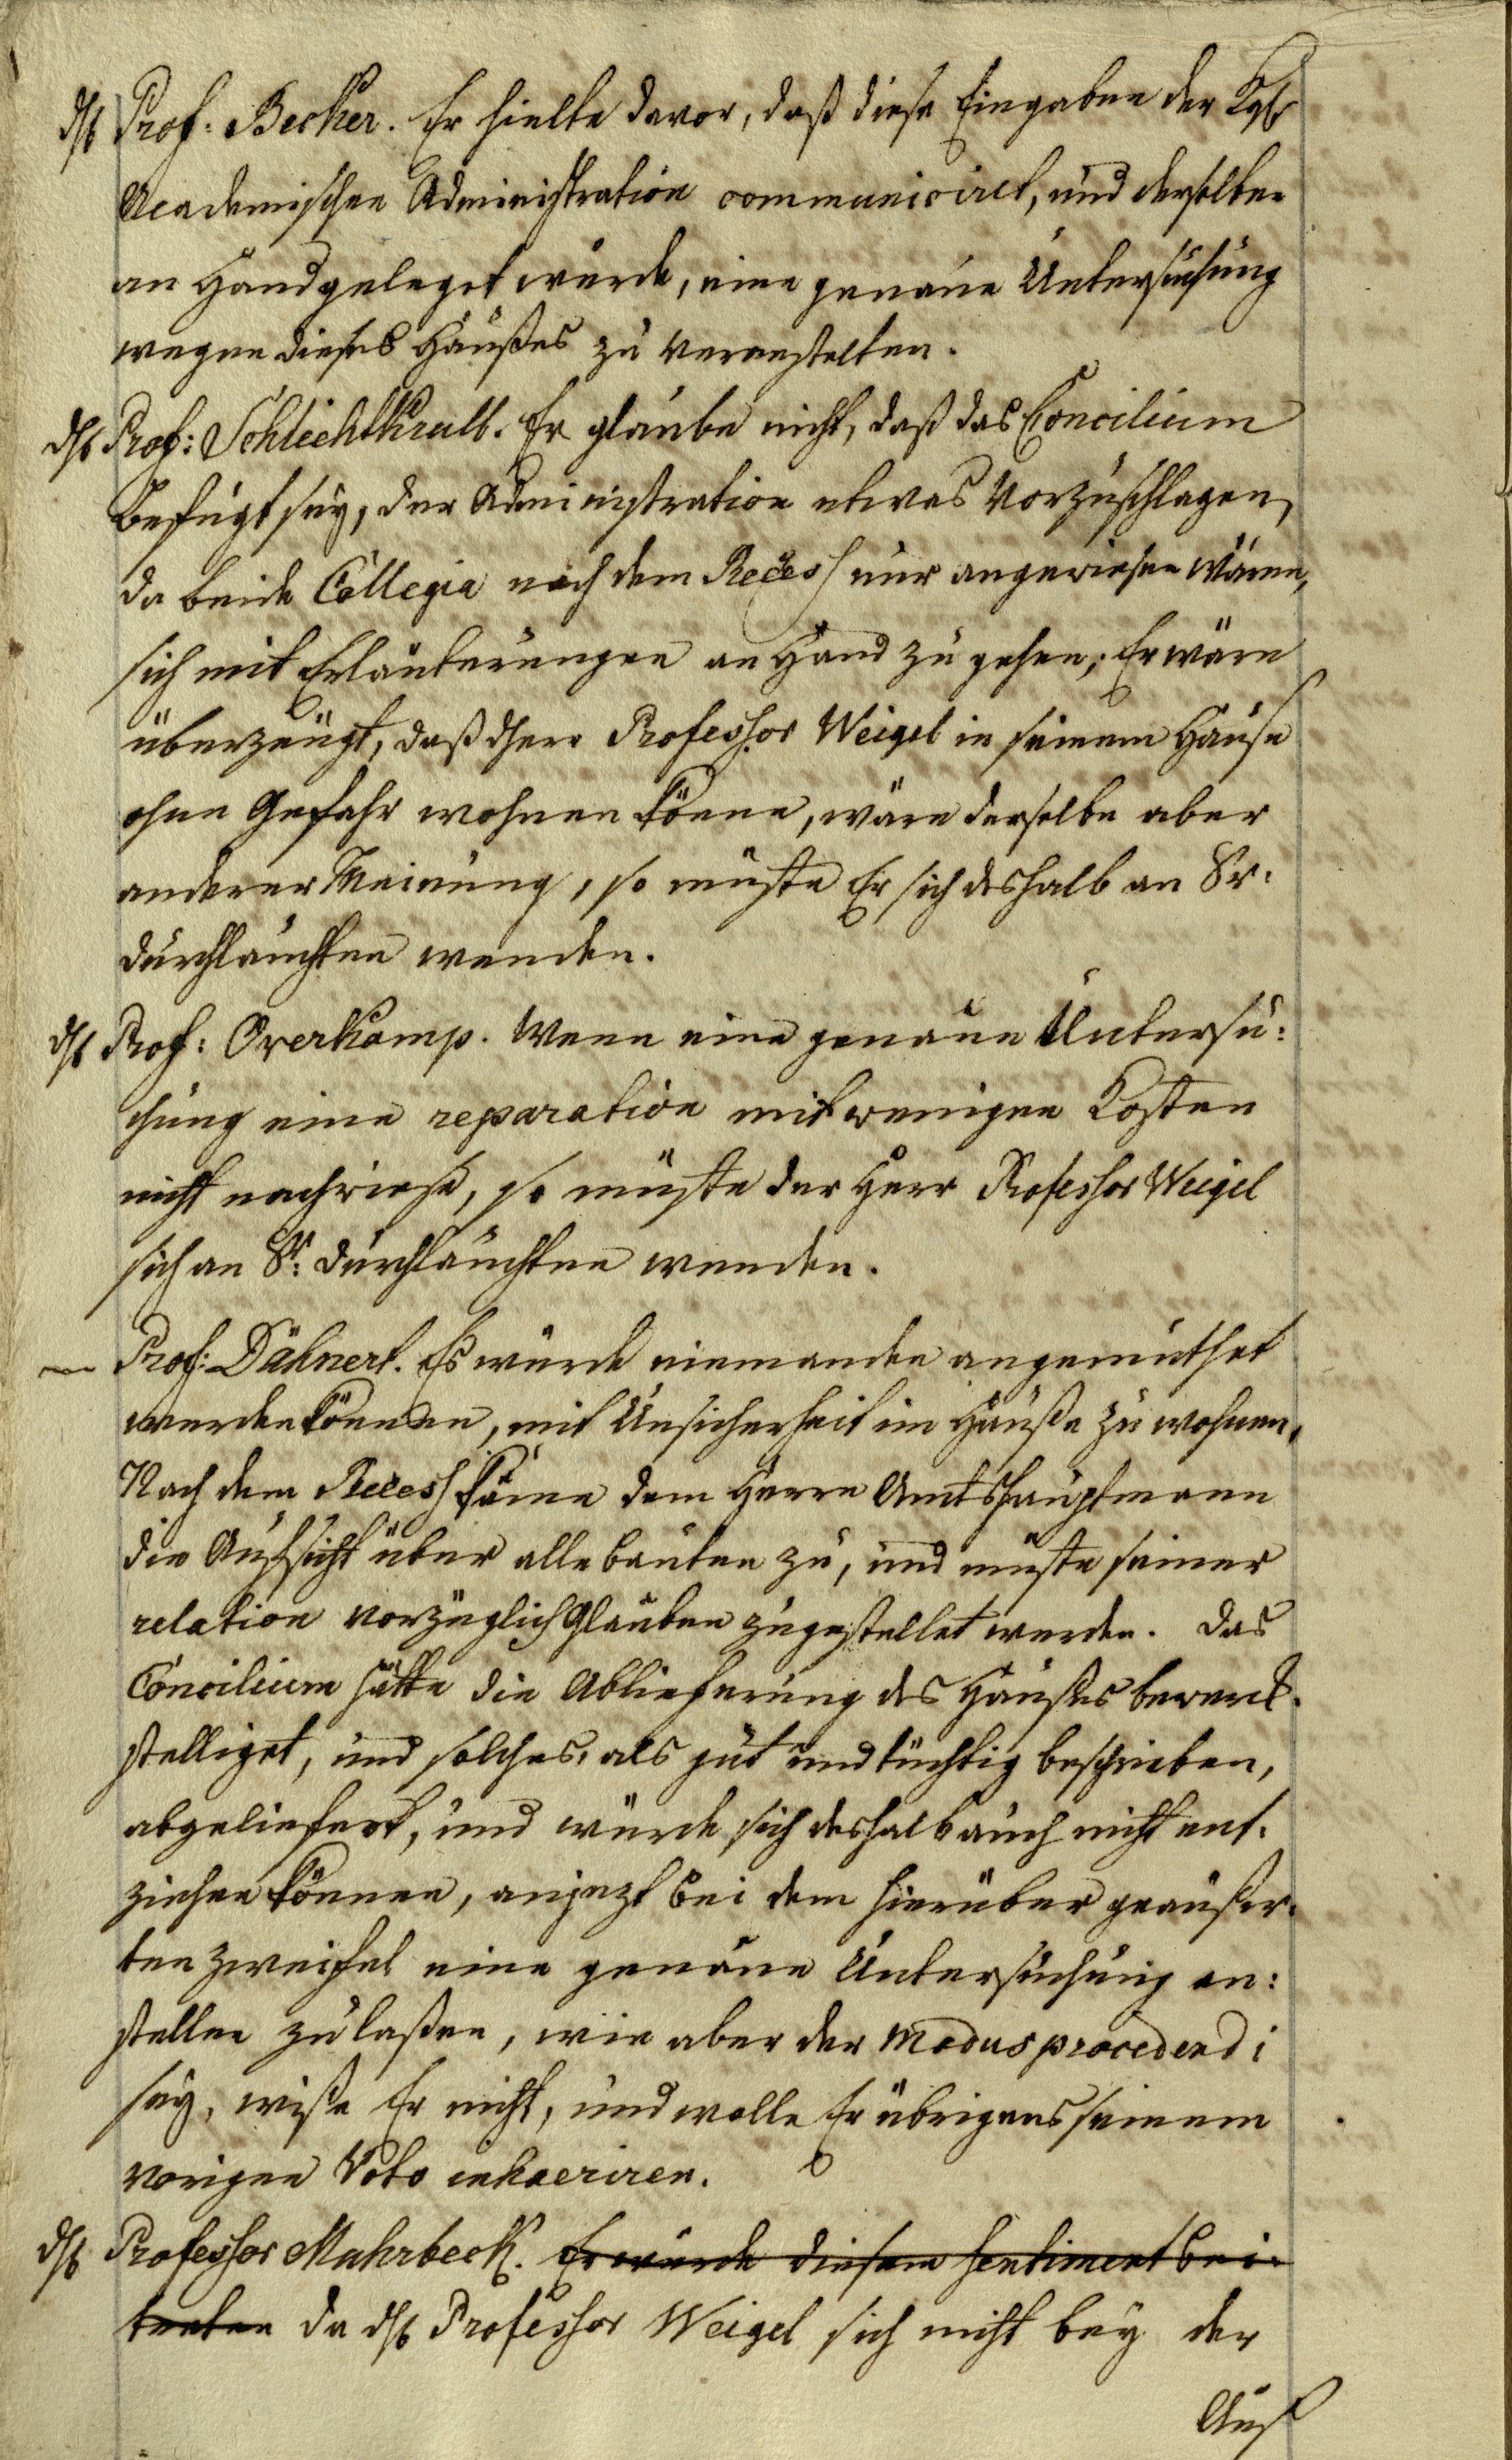dh Prof. Becker. Er hielte davor, daß diese Eingabe der Kgl.
Academischen Administration communiciret, und derselben
an Hand geleget würde, eine genaue Untersuchung
wegen dieses Haußes zu veranstalten.
dh Prof. Schlichtkrull. Er glaube nicht, daß das Concilium
befugt seÿ, der Administration etwas vorzuschlagen,
da beide Collegia nach dem Recess nur angewiesen wären,
sich mit Erläuterungen an Hand zu gehen; Er wäre
überzeugt, daß dherr Professor Weigel in seinem Hause
ohne Gefahr wohnen könne, wäre derselbe aber
anderer Meinung, so müßte Er sich deshalb an Sr
Durchlauchten wenden.
dh Prof. Overkamp. Wenn eine genaue Untersu¬
chung eine reparation mit wenigen Kosten
nicht nachwiese, so müßte der Herr Professor Weigel
sich an Sr Durchlauchten wenden.
Prof. Dähnert. Es würde niemanden angemuthet
werden können, mit Unsicherheit im Hauße zu wohnen,
Nach dem Recess käme dem Herrn Amtshauptmann
die Aufsicht über alle Bauten zu, und müßte seiner
relation vorzüglich Glauben zugestellet werden. Das
Concilium hätte die Ablieferung des Haußes bewerk¬
stelliget, und solches als gut und tüchtig beschrieben,
abgeliefert, und würde sich deshalb auch nicht ent¬
ziehen können, anjezt bei dem hierüber geäußer¬
ten Zweifel eine genaue Untersuchung an¬
stellen zu laßen, wie aber der Modus procedendi
seÿ, wiße Er nicht, und wolle Er übrigens seinem
vorigen Voto inhaeriren.
dh. Professor Muhrbeck.
da dh Professor Weigel sich nicht beÿ der
Auß